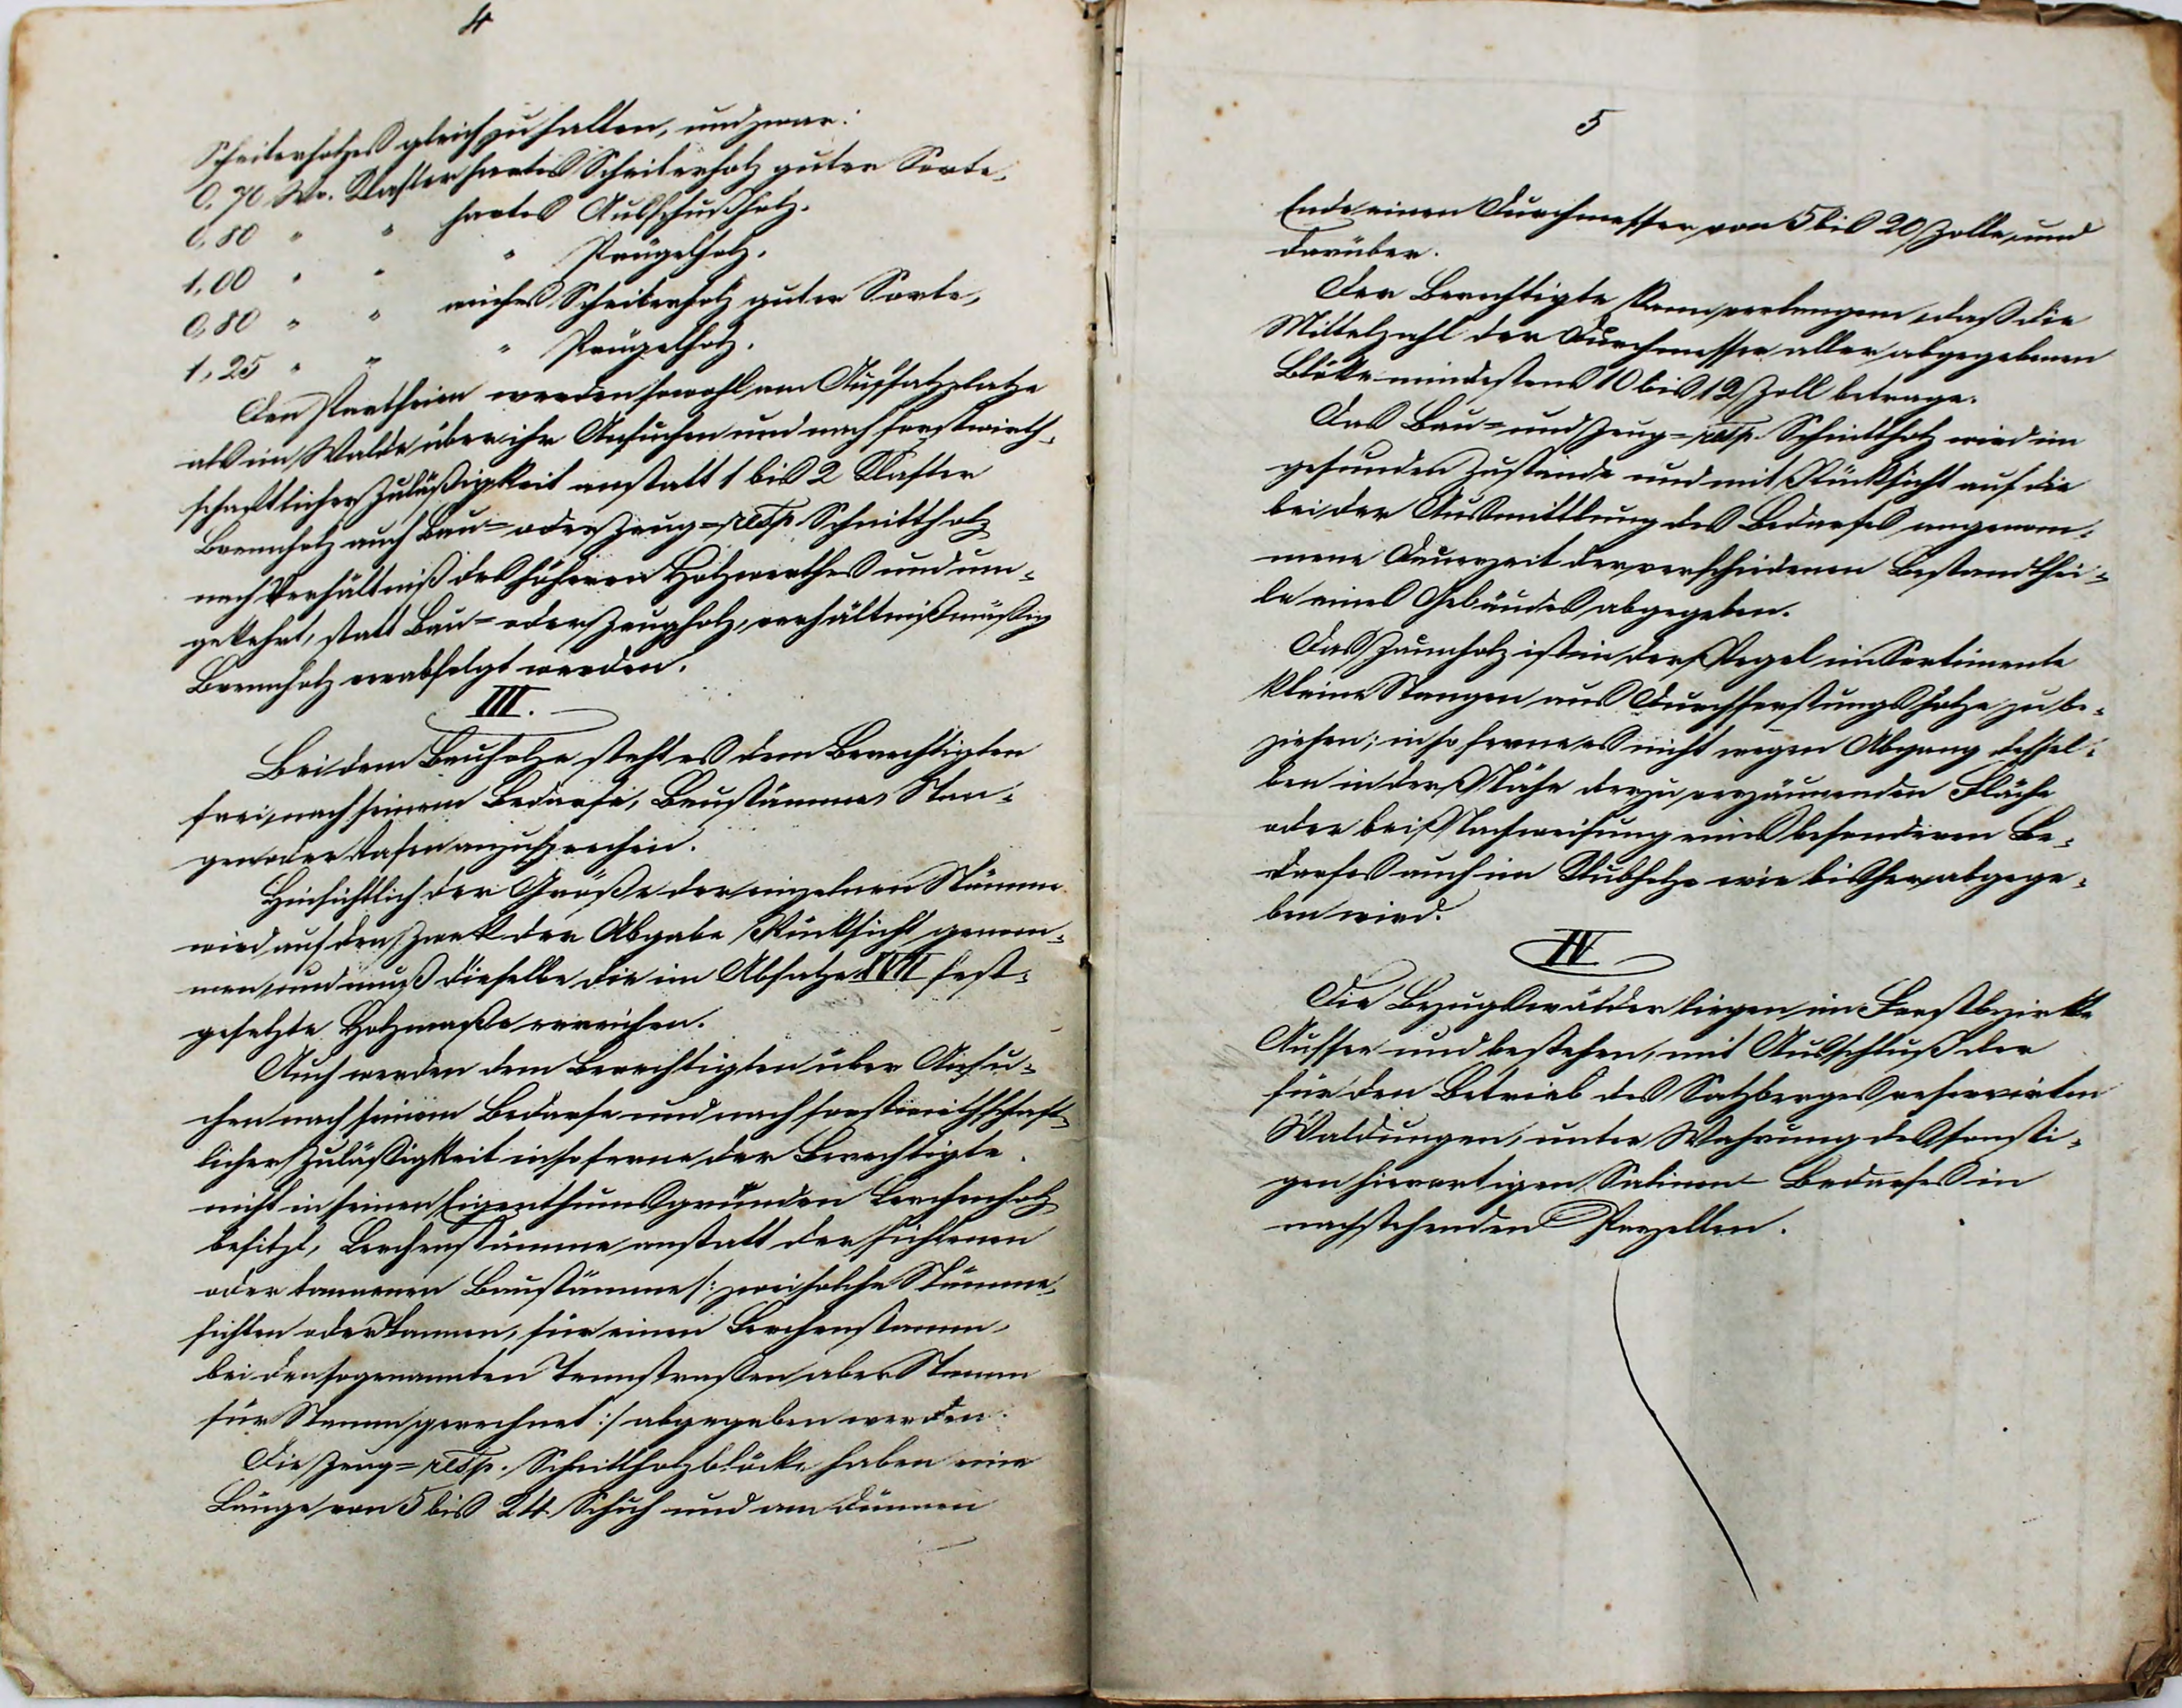4
Scheiterholzes gleich zu halten, und zwar.
0,70 Wo. Klaster hartes Scheiterholz guter Sorte,
0,80 „ „ hartes Ausschußholz,
1,00 „ „ „ Prügelholz,
0,80 „ „ weiches Scheiterholz guter Sorte,
1,25 „ „ „ Prügelholz.
Den Partheien werden sowohl am Aufsatzglatze
als im Walde über ihr Ansuchen und nach forstwirth„
schaftlicher Zuläßigkeit anstatt 1 bis 2 Klaster
Brennholz auch Bau in oder Zeug = resp Schnittholz
nach Verhältniß des höheren Holzwerthes und um„
gekehrt, statt Bau= oder Zeugholz, verhältnißmüßig
Brennholz verabfolgt werden.
III.
Bei dem Bauholze steht es Berechtigten
frei mach seinem Bedarfe, Baustämme Stan„
genener dafen angusgrechen.
Hinfühtlich der Größe der einzelnen Stumme
wird auf den Zwek der Abgabe Rücksicht genene„
men und muß dieselbe die im Absatze XVII fest„
gesetzte Holzmaße erreichen.
Auch werden dem Berechtigten über Ansu„
chen nach seinem Bedarfe und nach forstwirthschaft„
licher Zuläßigkeit in so ferne der Berechtigte.
nicht in seinen Eigentghumsgründen Lerchenholz
besitzt, Lerchenstämme anstatt der fichtenen
oder Sannenen Baustämme /:zweihohhe Stämme,
fichten oder Tannen, für einen Lerchenstamen,
bei den sogenannten Tenntraßen aber Stamm
für Stamm gerechnet:/ abgegeben werden
Die Zeug = resp. Schnittholz Blöcke haben eine
Lauge von 5 bis 24. Schuh und am Dunnen
5
Ende einen Durchmessen von 5 bis 20 Zolle und
darüber.
Der Bernhtigte Renn verbengem ?daß die
Mittelzahl der Durchmesser aller abgegebenen
Blöke mindestens 10 bis 12 Zoll betrage.
Das Bau = und Zeug = resp. Schnittholz wird im
gesunden Zustünde und mit Rücksicht auf die
bei der Ausmittlung des Bedarfes angenom„
mene Dauerzeit der verschiedenen Bestandthei„
le eines Gebäudes abgegeben.
Das Zaunholz istein der Regel im Sortimente
kleine Stangen aus Durchherstungsholze zube„
zinsen; in so Ferners nicht wegen Abgang dessel„
ben in der Nähe der zu verzäunenden Fläche
oder bei Nachweisung eines besenderen Be„
darfes auch im Klubholze wie bisher abgege„
ben wird.
IV
Die Bezeugswälder liegen im Forstbezirk
Aussee und bestehen, mit Ausschluß der
für den Betrieb des Salzberges veswewäten
Waldungen, unter Wahrung des sonsti„
gen hierartigen Salinen Bedarfes in
nachstehenden Parzellen.